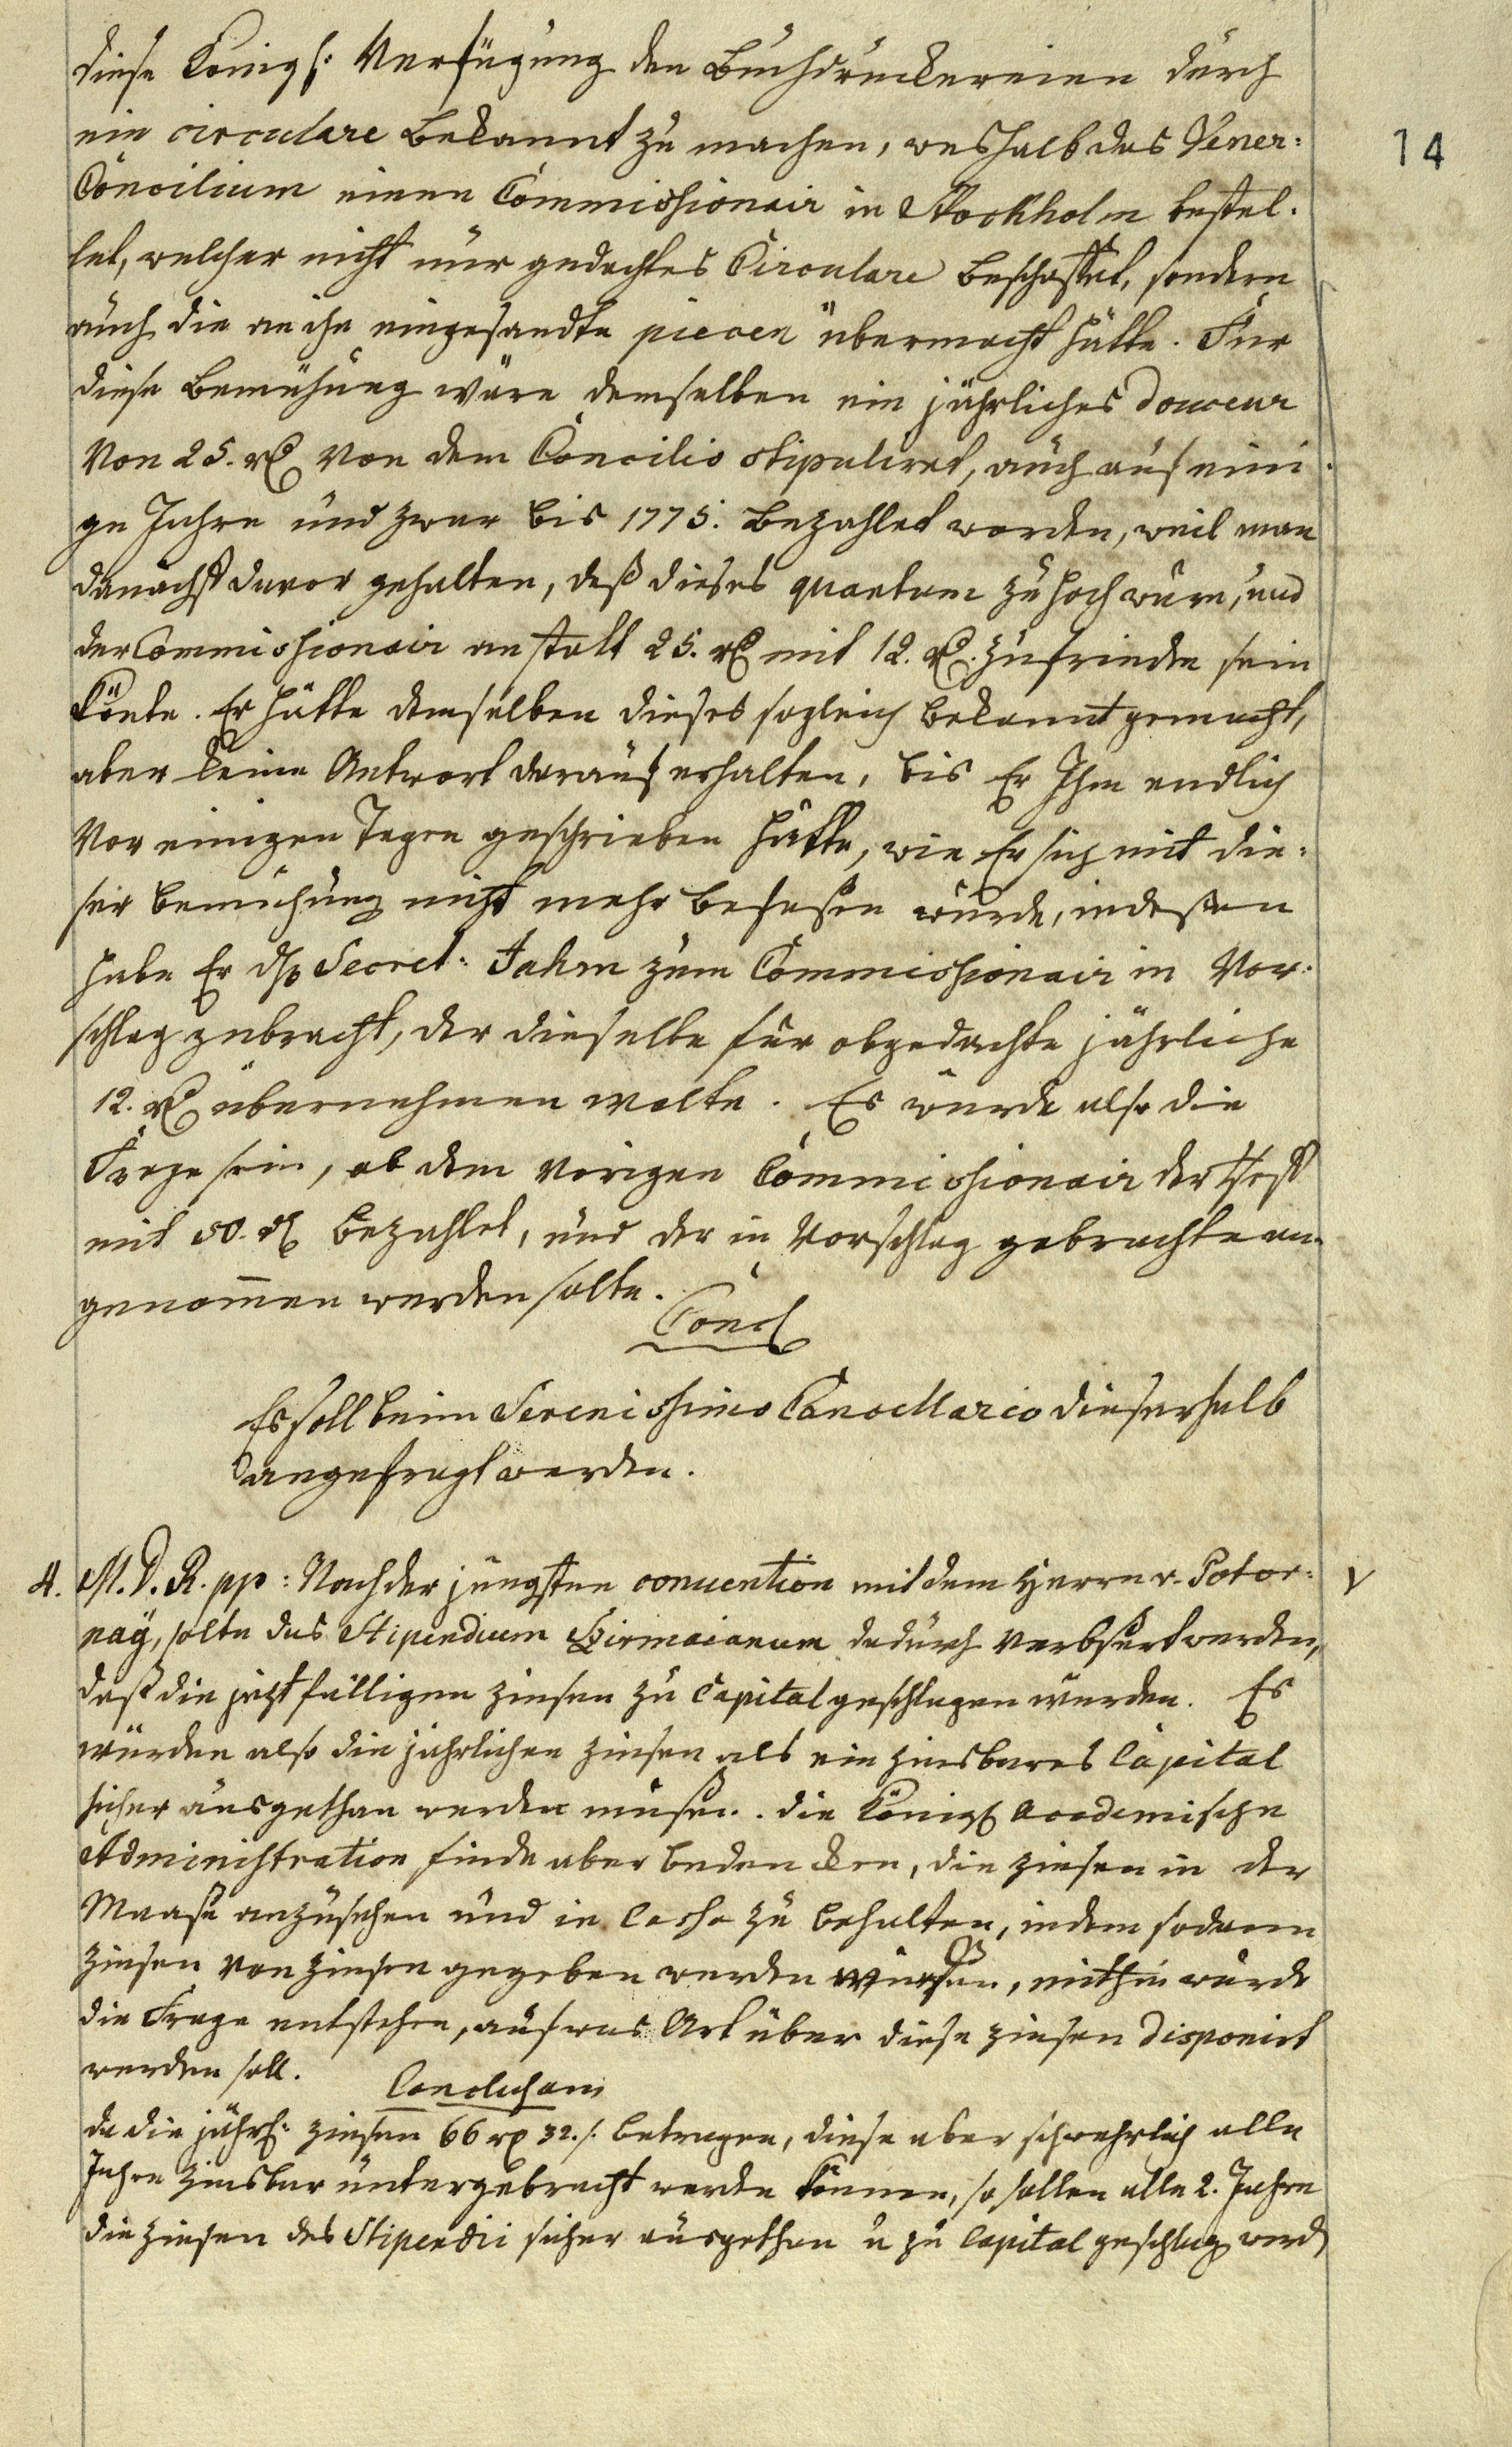diese Königl. Verfügung den Buchdruckereien durch
ein circulare bekannt zu machen, weshalb das Vener.
Concilium einen Commissionair in Stockholm bestel¬
let, welcher nicht nur gedachtes Circular beschaffet, sondern
auch die an ihn eingesandte piecen übermacht hätte. Für
diese Bemühung wäre demselben ein jährliches douceur
von 25 r. von dem Concilio stipuliret, auch auf eini¬
ge Jahre und zwar bis 1775. bezahlet worden, weil man
danächst davor gehalten, daß dieses quantum zu hoch wäre, und
der Commissionair anstatt 25 r. mit 12. r. zufrieden sein
könte. Er hätte demselben diese sogleich bekannt gemacht,
aber keine Antwort darauf erhalten, bis Er Ihm endlich
vor einigen Tagen geschrieben hätte, wie Er sich mit die¬
ser Bemühung nicht mehr befaßen würde, indeßen
habe Er dh. Secret. Jahm zum Commissionair in Vor¬
schlag gebracht, der dieselbe für obgedachte jährliche
12. r. übernehmen wolte. Es würde also die
Frage sein, ob dem vorigen Commissionair der Rest
mit 50 r. bezahlet, und der in Vorschlag gebrachte an¬
genomen werden solte.
Concl.
Es soll beim Serenissimo Cancellario dieserhalb
angefragt werden.
4. M. D. R. pp. Nach der jüngsten convention mit dem Herr v. Potor¬
naÿ, solte das Stipendium Szirmaianum dadurch verbßert werden,
daß die jezt fälligen Zinsen zu Capital geschlagen würden. Es
würden also die jährlichen Zinsen als ein zinsbares Capital
sicher ausgethan werden müßen. Die Königl. Academische
Administration finde aber Bedencken, die Zinsen in der
Maaße anzusehen und in cassa zu behalten, indem sodann
Zinsen von Zinsen gegeben werden würden, mithin würde
die Frage entstehen, auf was Art über diese Zinsen disponirt
werden soll. Conclusum
Da die jährl. Zinsen 66 r. 32 s. betragen, diese aber schwehrlich alle
Jahre zinsbar untergebracht werden können, so sollen alle 2. Jahre
die Zinsen des Stipendii sicher ausgethan u zu Capital geschlag werde¬